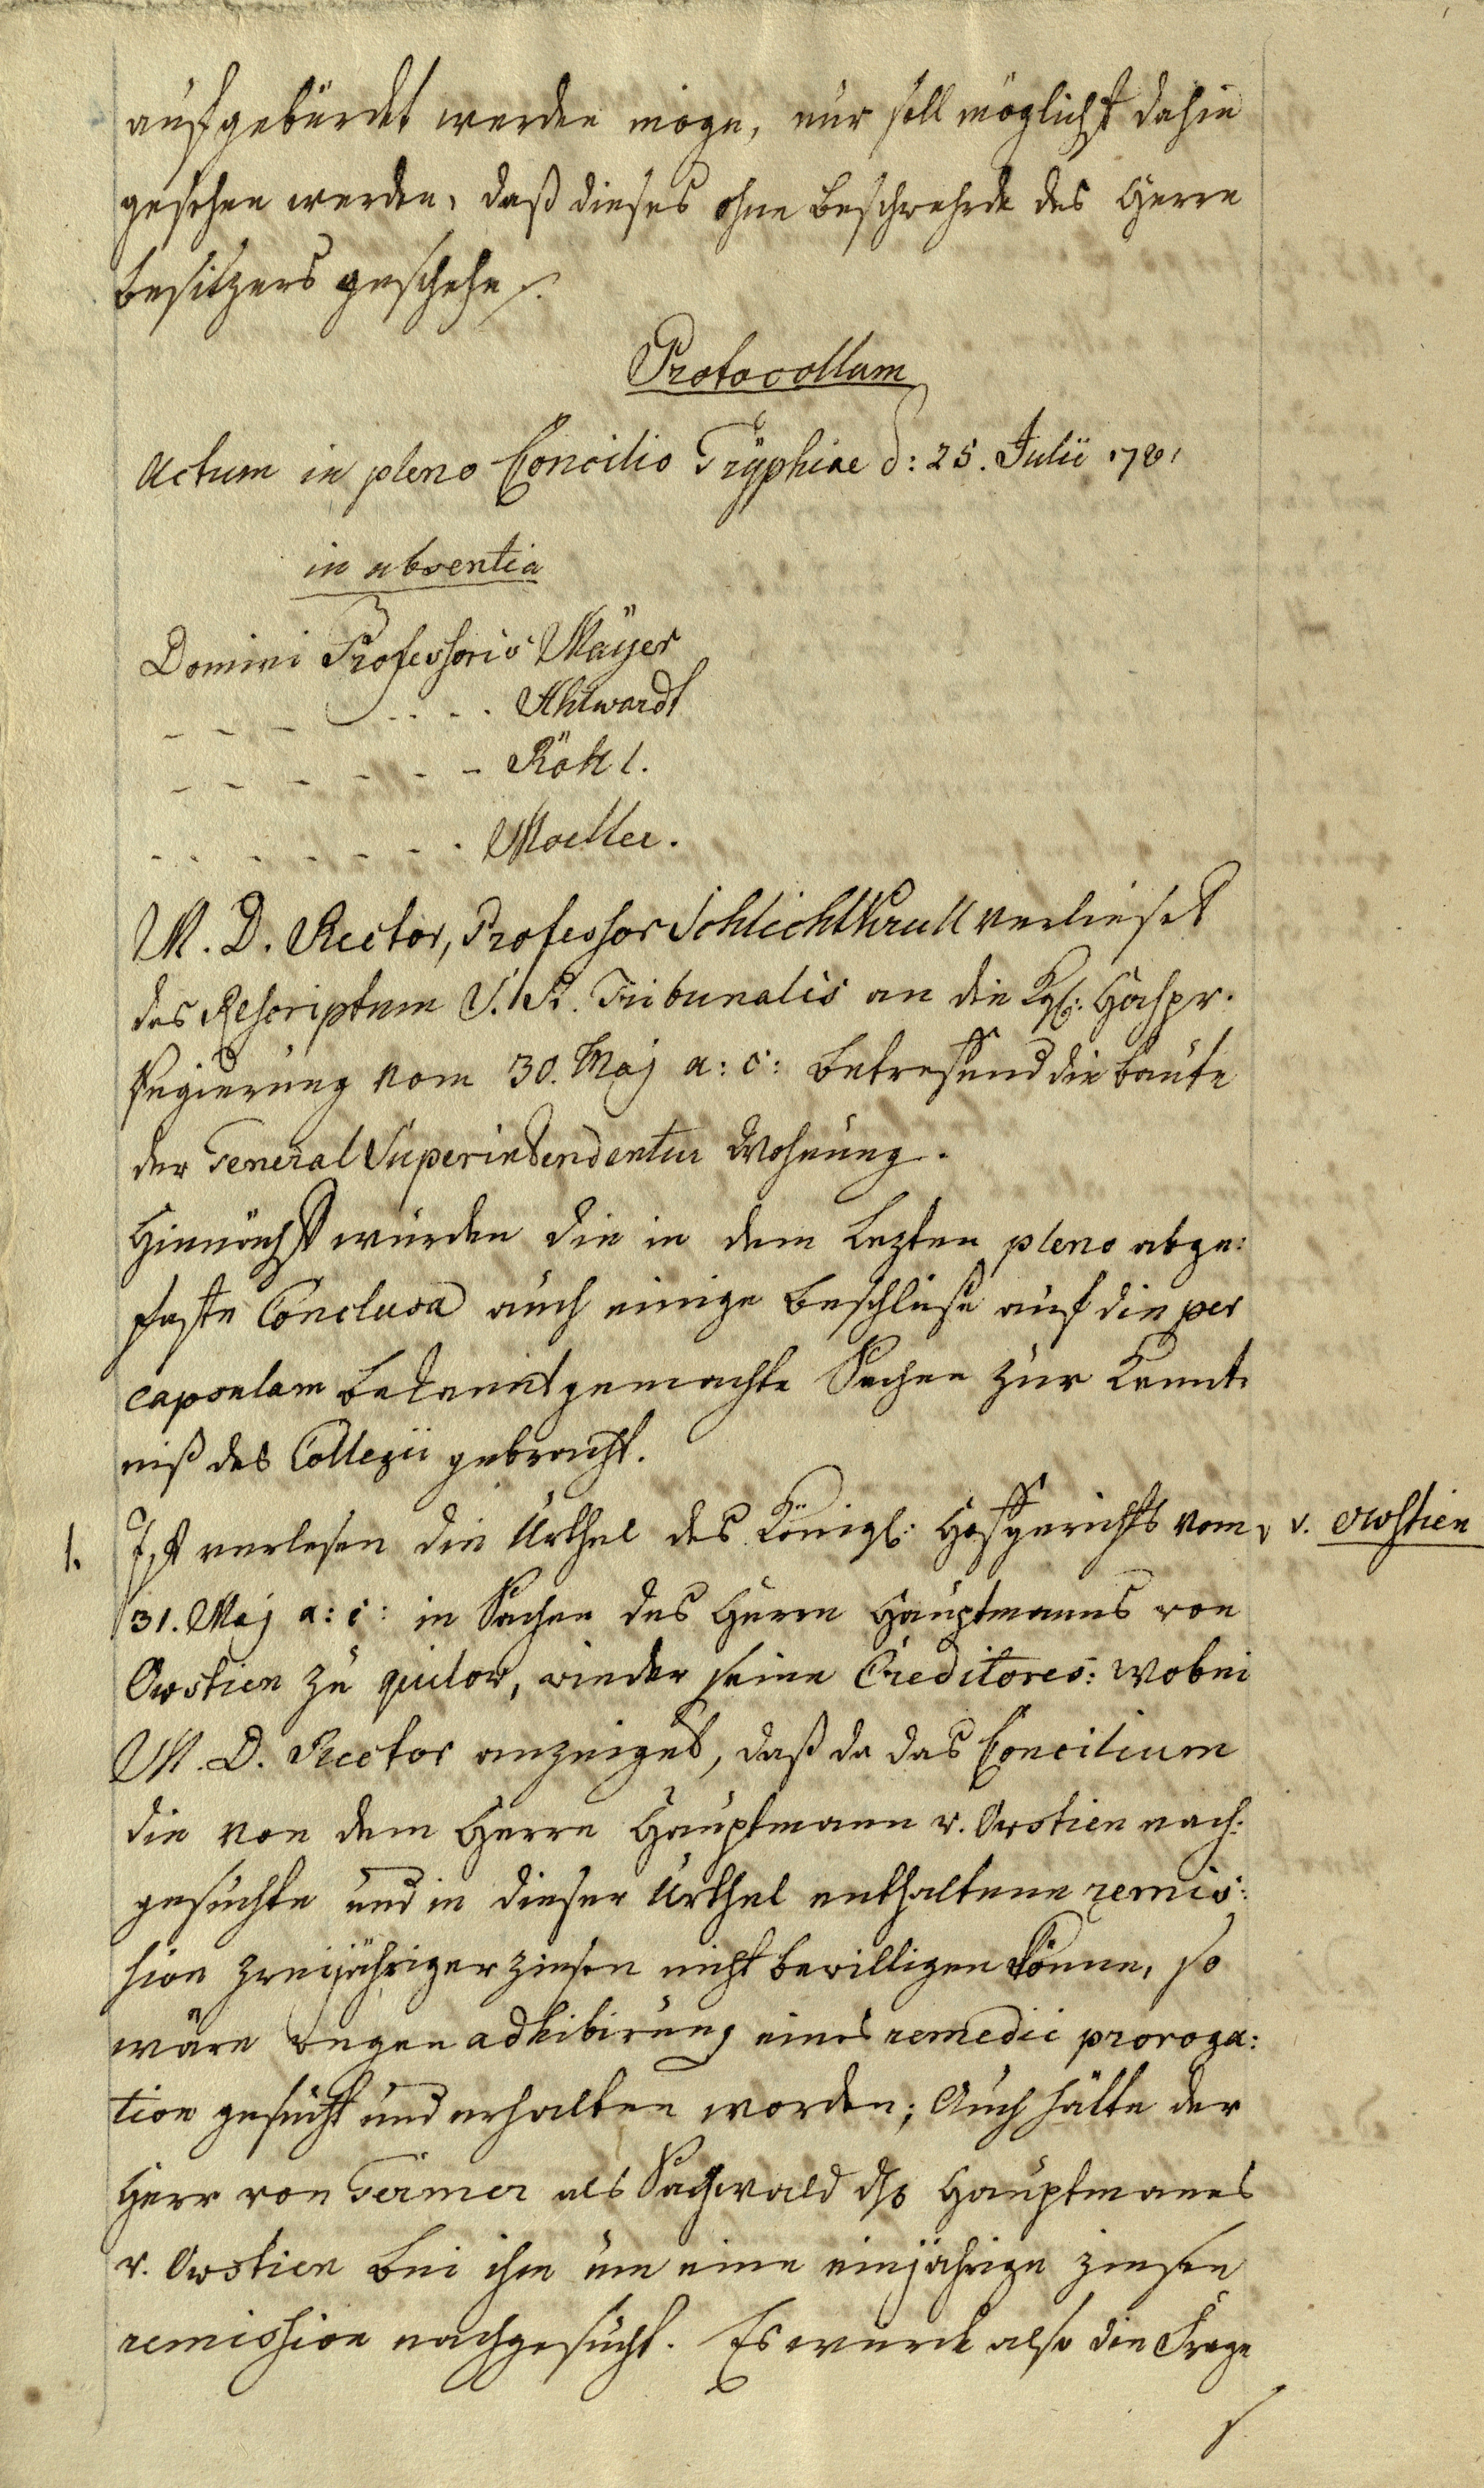aufgebürdet werden möge, nur soll möglichst dahin
gesehen werden, daß dieses ohne Beschwehrde des Herrn
Besitzers geschehe.
Protocollum
Actum in pleno Concilio Grÿphiae d: 25. Julii 1781
in absentia
Domini Professoris Maÿer
Ahlwardt
Röhl
Moeller
M. D. Rector, Professor Schlichtkrull verlieset
das Rescriptum, S.S. Tribunalis an die Kgl: Hochpr.
Regierung vom 30. Maj a: c: Betreffend die Baute
der GeneralSuperintendentur Wohnung.
Hienächst wurden die in dem lezten pleno abge¬
faßte Conclusa auch einige Beschlüße auf die per
capsulam bekannt gemachte Sachen zur Kennt¬
niß des Collegii gebracht.
1. Ist verlesen die Urthel des Königl: Hofgerichts vom
31. Maj a: c: in Sachen des Herrn Hauptmanns vom
Owstien zu quilow, wieder seine Creditores: wobei
M. D. Rector anzeiget, daß da das Concilium
die von dem Herrn Hauptmann v. Owstien nach¬
gesuchte und in dieser Urthel enthaltene remis¬
sion zweijähriger Zinsen nicht bewilligen könne, so
wäre wegen adhibirung eines remedii proroga¬
tion gesucht und erhalten worden; Auch hätte der
Herr von Germer als Sachwald dh Hauptmanns
v. Owstien bei ihm um eine einjährige zinsen
remission nachgesucht. Es würde also die Frage
s